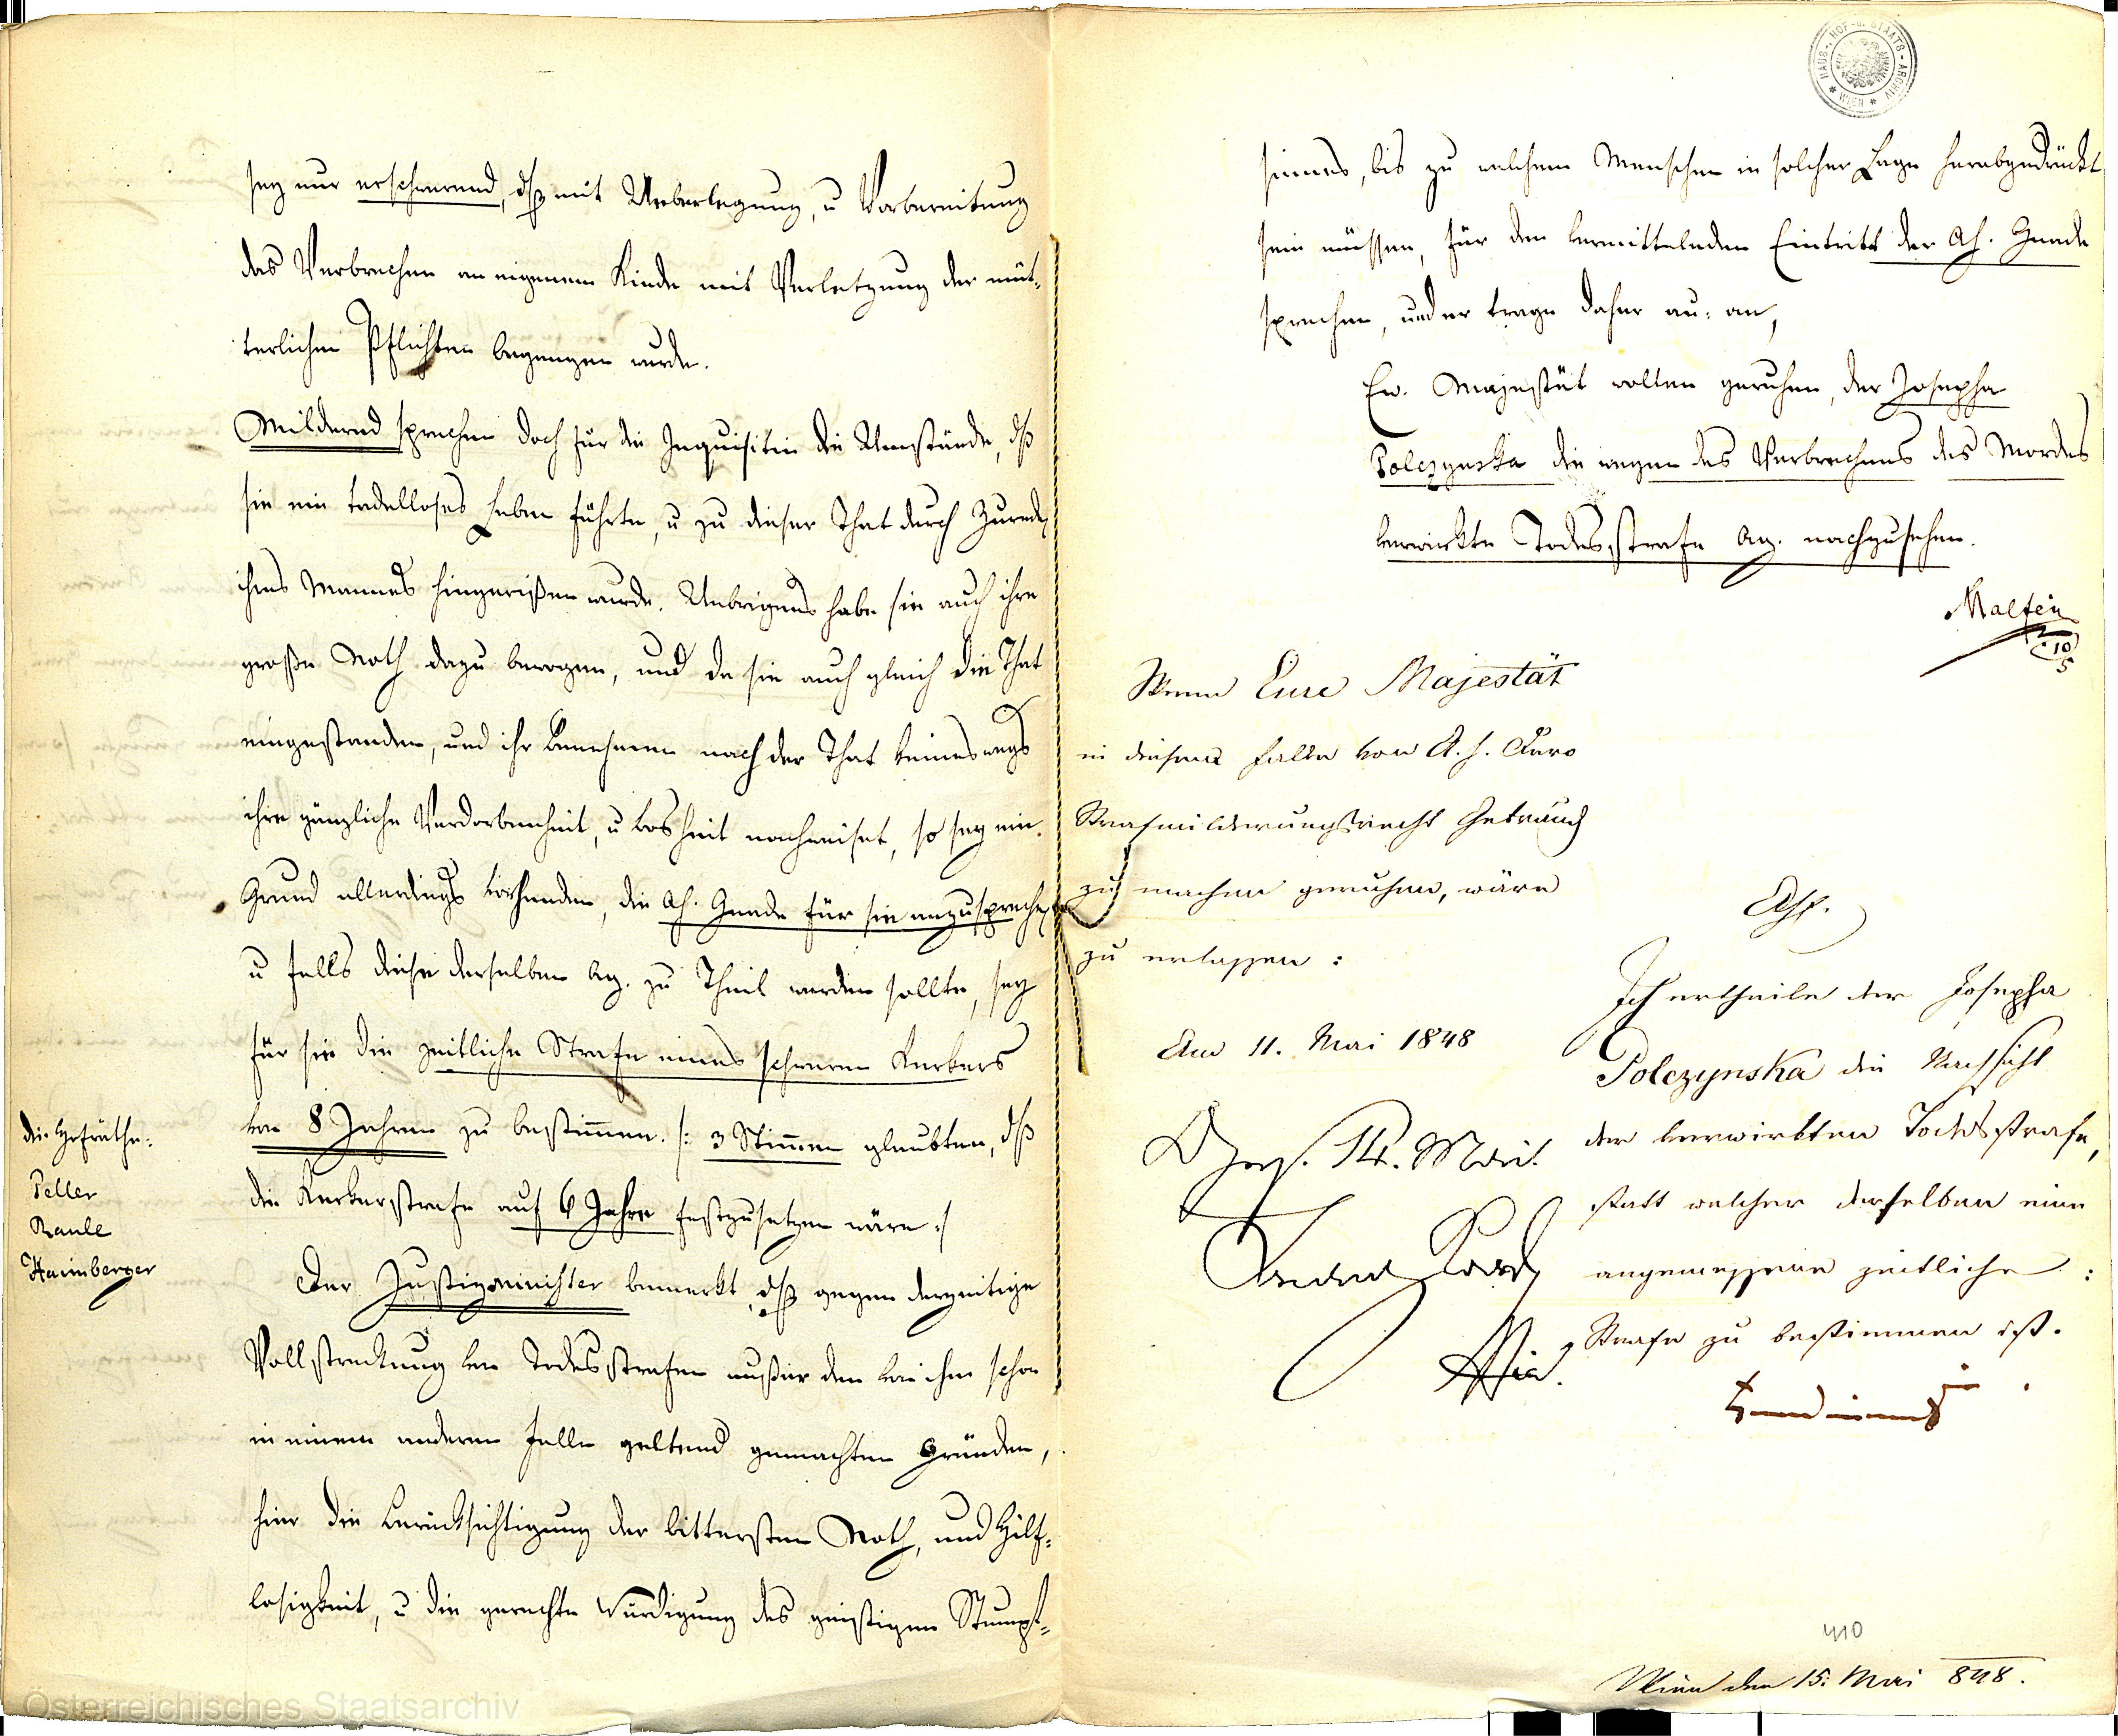sey nur erschwerend, daß mit Ueberlegung, u Vorbereitung
das Verbrechen an eigenen Kinde mit Verletzung der müt¬
terlichen Pflichten begangen wurde.
Mildernd sprechen doch für die Inquisitin die Umstände, daß
sie ein tadelloses Leben führte, u zu dieser That durch Zurede
ihres Mannes hingerißen wurde. Uebrigens habe sie auch ihre
große Noth dazu bewogen, und da sie auch gleich die That
eingestanden, und ihr Benehmen nach der That keines wegs
ihre gänzliche Verdorbenheit, u Bosheit nachweiset, so sey ein
Grund allentags vorhanden, die Ah. Gnade für sie anzusprechen
u falls diese derselben Ag. zu Theil werden sollte, sey
für sie die zeitliche Strafe eines schweren Kerkers
von 8 Jahren zu bestimmen (3 Stimmen glaubten, daß
die Kerkerstrafe auf 6 Jahre festzusetzen wäre).
Der Justizminister bemerkt daß gegen derzeitige
Vollstreckung von Todesstrafen außer den von ihm schon
in einem anderen Falle geltend gemachten Gründen,
hier die Berücksichtigung der bittersten Noth, und Hilf¬
losigkeit, u. die gerechte Würdigung des geistigen Stumpf¬
„Die Hofräthe:
Peller,
Raule,
Haimberger
sinnes, bis zu welchem Menschen in solcher Lage herabgedrückt
sein müssen, für den vermittelnden Eintritt der Ah. Gnade
sprechen, und er trage daher au: an,
Ew. Majestät wollen geruhen, der Josepha
Polczynska die wegen des Verbrechens des Mordes
bewirkte Todesstrafe ag nachzusehen.
Malfei
10/5
Wenn Eure Majestät
in diesem Falle von A.h. Dero
Strafmilderungsrecht Gebrauch
zu machen geruhen, wäre
zu erlassen:
Am 11. Mai 1848
Ges. 14. Mai
Franz Karl
[Min?]
AhE
Ich ertheile der Josepha
Polczynska die Nachsicht
der verwirkten Todesstrafe,
statt welcher derselben eine
angemessene zeitliche
Strafe zu bestimmen ist.
Ferdinand
Wien 15. Mai 1848.